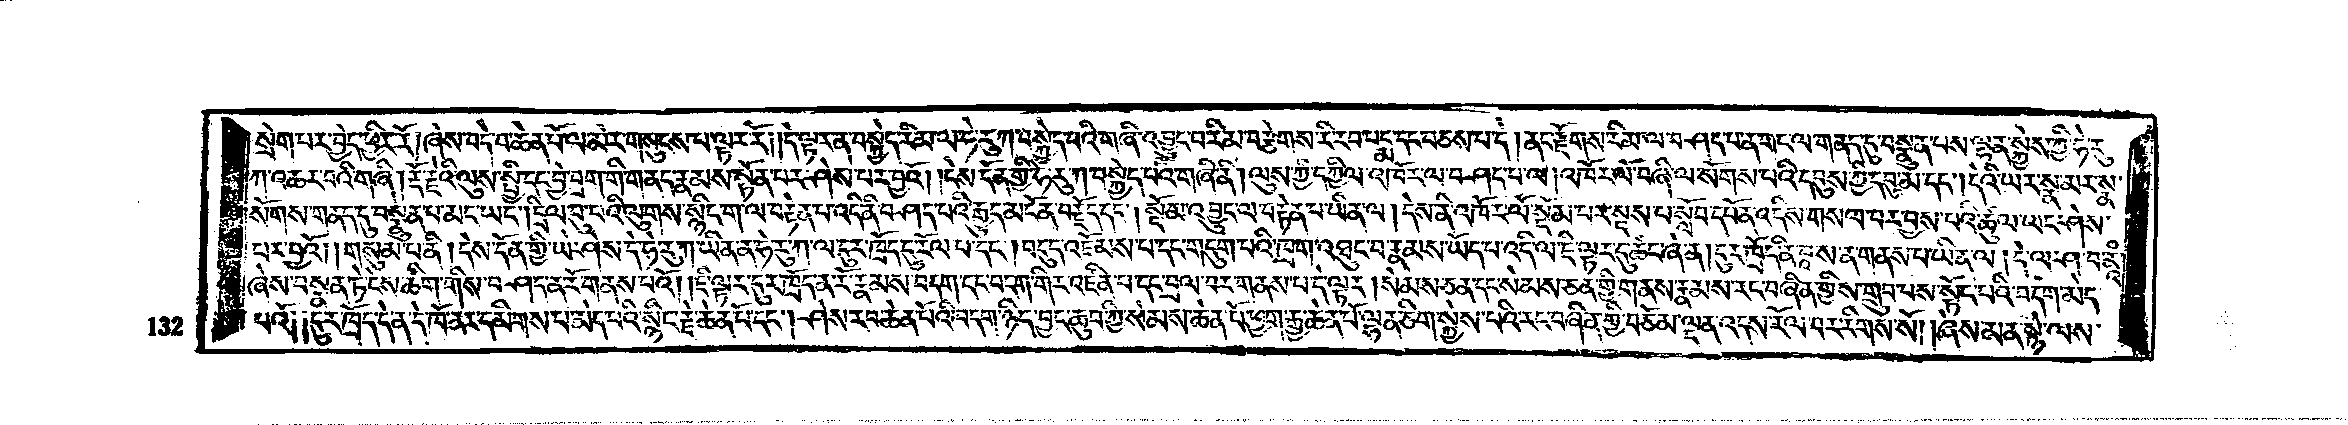སྲེག་པར་བྱེད་ཕྱིར་རོ། ཞེས་བདེ་བ་ཆེན་པོ་ལ་མེར་གསུངས་པ་ལྟར་རོ། །དེ་ལྟར་ན་བསྐྱེད་རིམ་ལ་ཧེ་རུ་ཀ་བསྐྱེད་པའི་གཞི་འབྱུང་བ་རིམ་བརྩེགས་རི་རབ་པདམ་དང་བཅས་པ་དེ། ནང་རྫོགས་རིམ་ལ་བཤད་པ་ན་གང་ལ་གནད་དུ་བསྣུན་པས་ལྷན་སྐྱེས་ཀྱི་ཧེ་རུ་
ཀ་འཆར་བའི་གཞི། རྡོ་རྗེའི་ལུས་སྤྱི་དང་བྱེ་བྲག་གི་གནད་རྣམས་སྟོན་པར་ཤེས་པར་བྱའོ། །ངེས་དོན་གྱི་ཧེ་རུ་ཀ་བསྐྱེད་པའི་གཞི་ནི། ལུས་ཀྱི་དཀྱིལ་འཁོར་ལ་བཤད་པ་ལ། འཁོར་ལོ་བཞི་ལ་སོགས་པའི་དབུས་ཀྱི་དབུ་མ་དང་། དེའི་ཡར་སྣ་མར་སྣ་
སོགས་གནད་དུ་བསྣུན་པ་མང་ཡང་། དྲིལ་བུ་པའི་ལུགས་སྙིང་ག་ལ་བརྟེན་པ་འདི་ནི་བཤད་པའི་རྒྱུད་མངོན་བརྗོད་དང་། སྡོམ་འབྱུང་ལ་བརྟེན་པ་ཡིན་ལ། དེས་ནི་འཁོར་ལོ་སྡོམ་པར་སྦས་པ་སློབ་དཔོན་འདིས་གསལ་བར་བྱས་པའི་ཚུལ་ཡང་ཤེས་
པར་བྱའོ། །གསུམ་པ་ནི། དེས་དོན་གྱི་ཡེ་ཤེས་དེ་ཧེ་རུ་ཀ་ཡིན་ན་ཧེ་རུ་ཀ་ལ་དུར་ཁྲོད་དུ་རོལ་པ་དང་། བདུད་འཇོམས་པ་དང་གདུག་པའི་ཁྲག་འཐུང་བ་རྣམས་ཡོད་པ་འདི་ལ་ཇི་ལྟར་དུ་ཚང་ཞེ་ན། དུར་ཁྲོད་ནི་བཱ་ས་ན་གནས་པ་ཡིན་ལ། དེ་ལ་ཤ་བ་ནཱཾ་
ཞེས་བསྣན་ཏེ་ངེས་ཚིག་གིས་བཤད་ན་རོ་གནས་པའོ། །ཇི་ལྟར་དུར་ཁྲོད་ན་རོ་རྣམས་བདག་དང་བདག་གིར་འཛིན་པ་དང་བྲལ་བར་གནས་པ་དེ་ལྟར། སེམས་ཅན་དང་སེམས་ཅན་གྱི་གནས་རྣམས་རང་བཞིན་གྱིས་གྲུབ་པས་སྟོང་པའི་བདག་མེད་
པའོ། །དུར་ཁྲོད་དེ་ན་དེ་ཁོ་ནར་དམིགས་པ་མེད་པའི་སྙིང་རྗེ་ཆེན་པོ་དང་། ཤེས་རབ་ཆེན་པོའི་བདག་ཉིད་བྱང་ཆུབ་ཀྱི་སེམས་ཆེན་པོ་ཕྱག་རྒྱ་ཆེན་པོ་ལྷན་ཅིག་སྐྱེས་པའི་རང་བཞིན་གྱི་བཅོམ་ལྡན་འདས་རོལ་བར་རིགས་སོ། །ཞེས་མན་སྙེ་ལས་